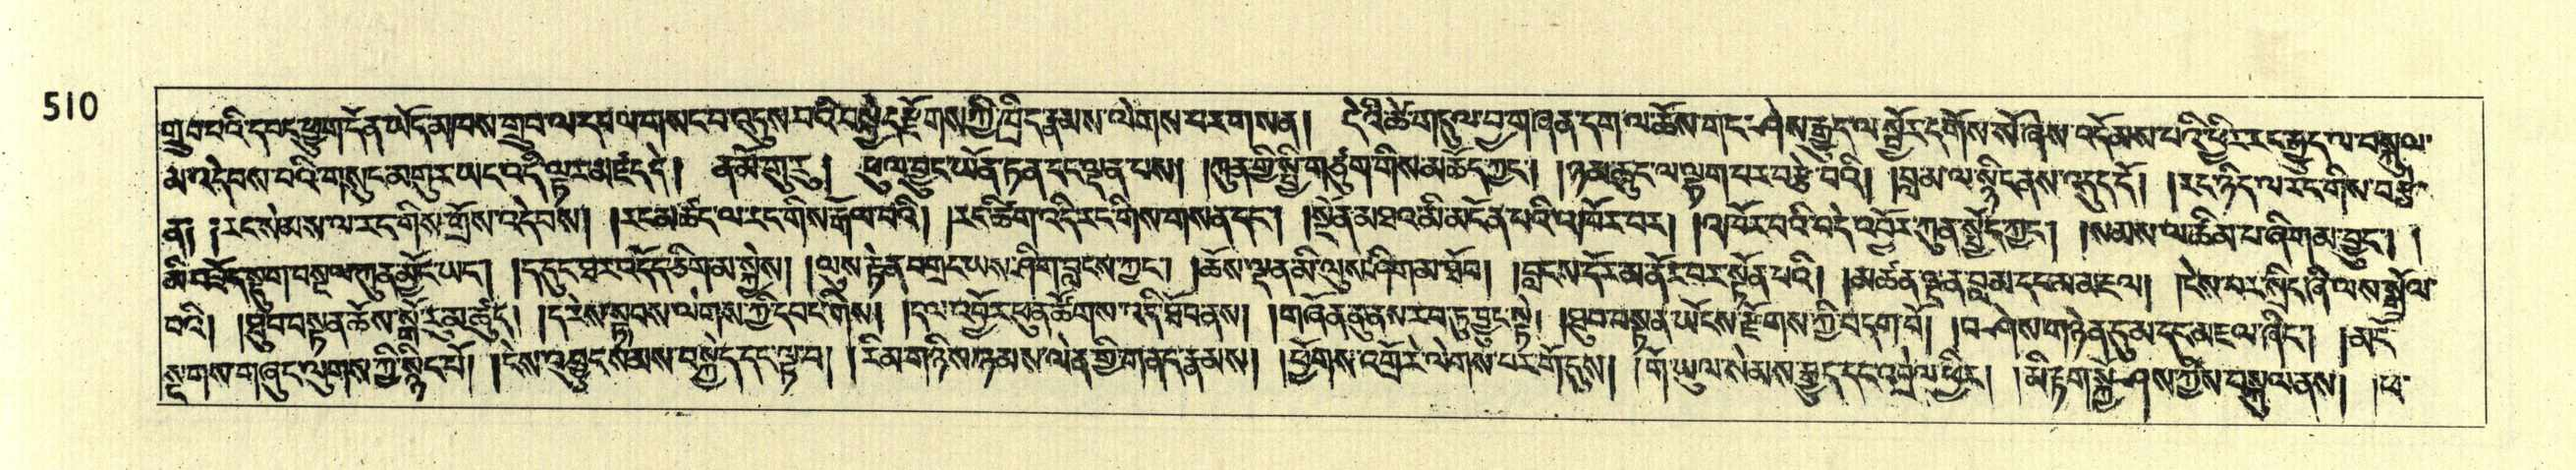གྲུབ་པའི་དབང་ཕྱུག་དོན་ཡོད་མཁས་གྲུབ་ལ་དཔལ་གསང་བ་འདུས་པའི་བསྐྱེད་རྫོགས་ཀྱི་ཁྲིད་རྣམས་ལེགས་པར་གསན། དེའི་ཚེ་གདུལ་བྱ་གཞན་དག་ལ་ཆོས་གང་ཤེས་རྒྱུད་ལ་སྦྱོར་དགོས་སོ་ཞེས་འདོམས་པའི་ཕྱིར་རང་རྒྱུད་ལ་བསྐུལ་
མ་འདེབས་པའི་གསུང་མགུར་ཡང་འདི་ལྟར་མཛད་དེ། ན་མོ་གུ་རུ། ཕུལ་བྱུང་ཡོན་ཏན་དང་ལྡན་པས། །ཀུན་གྱི་སྤྱི་གཙུག་གིས་མཆོད་ཀྱང་། །ཉམ་ཆུང་ལ་ལྷག་པར་བརྩེ་བའི། །བླ་མ་ལ་སྙིང་ནས་འདུད་དོ། །རང་ཉིད་ལ་རང་གིས་བརྩེ་
ན༑ ༑རང་སེམས་ལ་རང་གིས་གྲོས་འདེབས། །རང་མཚང་ལ་རང་གིས་རྒོལ་བའི། །རང་ཚིག་འདི་རང་གིས་གསན་དང་། །སྔོན་མཐའ་མི་མངོན་པའི་འཁོར་བར། །འཁོར་བའི་བདེ་འབྱོར་ཀུན་སྤྱོད་ཀྱང་། །སམས་ལ་ཚིམ་བ་ཞིག་མ་བྱུང་། །
མི་བཟོད་སྡུག་བསྔལ་ཀུན་མྱོང་ཡང་། །ད་དུང་ཐར་འདོད་ཅིག་མ་སྐྱེས། །ལུས་རྟེན་བགྲང་ཡས་ཤིག་བླངས་ཀྱང་། །ཆོས་ལྡན་མི་ལུས་ཤིག་མ་ཐོབ། །བླངས་དོར་མ་ནོར་བར་སྟོན་པའི། །མཚན་ལྡན་བླ་མ་དང་མ་མཇལ། །ངེས་བར་སྲིང་ཞི་ལས་སྒྲོལ་
བའི། །ཐུབ་བསྟན་ཆོས་སྒོ་རུ་མ་ཚུད། །ད་རེས་སྟབས་ལེགས་ཀྱི་དབང་གིས། །དལ་འབྱོར་ཕུན་ཚོགས་འདི་ཐོབ་ནས། །གཞོན་ནུ་ནས་རབ་ཏུ་བྱུང་སྟེ། །ཐུབ་བསྟན་ཡོངས་རྫོགས་ཀྱི་བདག་བོ། །བཤེས་གཉེན་དུ་མ་དང་མཇལ་ཞིང་། །མདོ་
སྔགས་གཞུང་ལུགས་ཀྱི་སྙིང་པོ། །ངེས་འབྱུང་སེམས་བསྐྱེད་དང་ལྟ་བ། །རིམ་གཉིས་ཉམས་ལེན་གྱི་གནད་རྣམས། །ཕྱོགས་འགྲོ་རེ་ལེགས་པར་གོ་དུས། །གོ་ཡུལ་སེམས་རྒྱུད་དང་འབྲེལ་ཕྱིར། །མི་རྟག་སྐྱོ་ཤས་ཀྱིས་བསྐུལ་ནས། །ཕ་